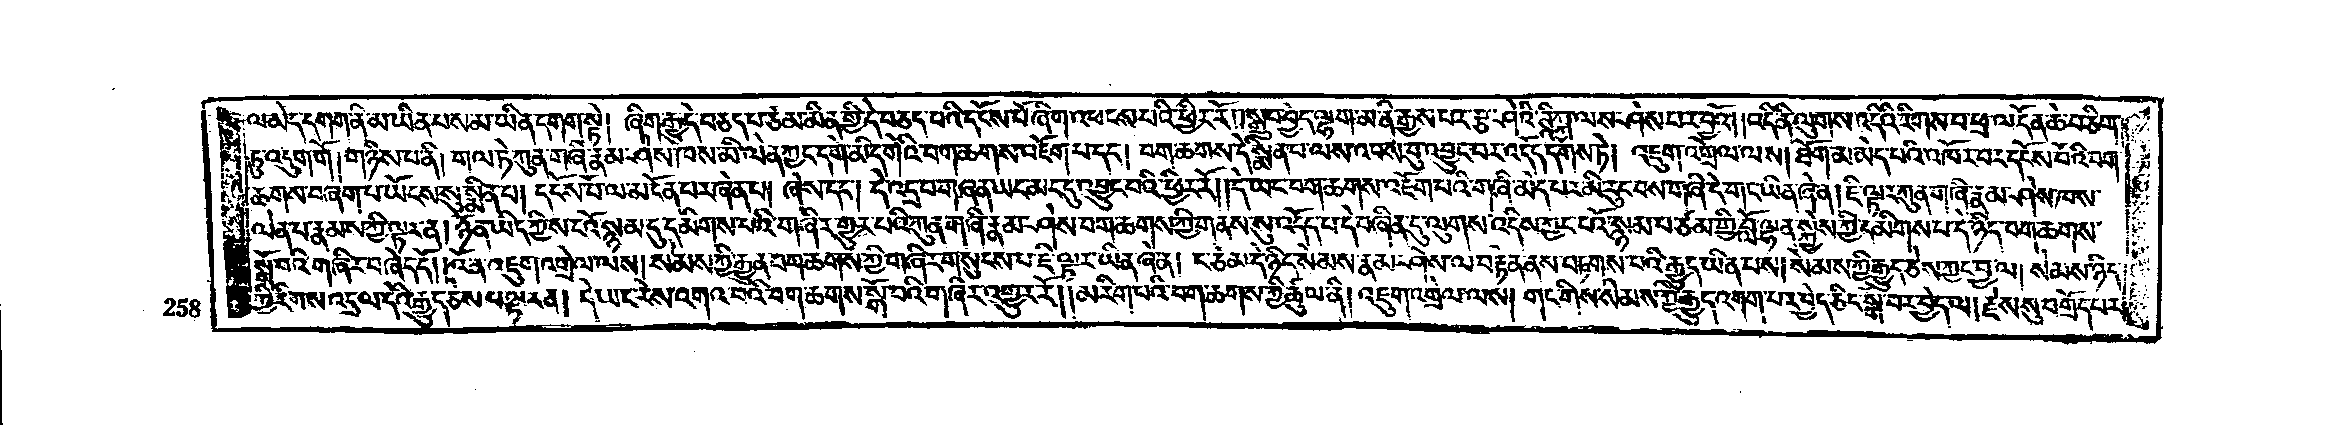ལ་མེད་དགག་ནི་མ་ཡིན་པས་མ་ཡིན་དགག་སྟེ། ཞིག་རྒྱུ་དེ་བཅད་པ་ཙམ་མིན་གྱི་དེ་བཅད་པའི་དངོས་པོ་ཞིག་འཕངས་པའི་ཕྱིར་རོ། །སྒྲུབ་བྱེད་ལྷག་མ་ནི་རྒྱས་པར་རྩ་ཤེའི་ཊཱིཀྐ་ལས་ཤེས་པར་བྱའོ། །འདི་ནི་ལུགས་འདིའི་རིགས་པ་ཕྲ་ལ་དོན་ཆེ་བ་ཅིག།
ཏུ་འདུག་གོ །གཉིས་པ་ནི། གལ་ཏེ་ཀུན་གཞི་རྣམ་ཤེས་ཁས་མི་ལེན་ཀྱང་དགེ་མི་དགེའི་བག་ཆགས་འཇོག་པ་དང་། བག་ཆགས་དེ་སྨིན་པ་ལས་འབྲས་བུ་འབྱུང་བར་འདོད་དགོས་ཏེ། འཇུག་འགྲེལ་ལས། ཐོག་མ་མེད་པའི་འཁོར་བར་དངོས་པོའི་བག་
ཆགས་བཞག་པ་ཡོངས་སུ་སྨིན་པ། དངོས་པོ་ལ་མངོན་པར་ཞེས་པ། ཞེས་དང་། དེ་འདྲ་བ་གཞན་ཡང་མང་དུ་འབྱུང་བའི་ཕྱིར་རོ། །དེ་ཡང་བག་ཆགས་འཇོག་པའི་གཞི་མེད་པར་མི་རུང་བས་གཞི་དེ་གང་ཡིན་ཞེ་ན། ཇི་ལྟར་ཀུན་གཞི་རྣམ་ཤེས་ཁས་
ལེན་པ་རྣམས་ཀྱི་ལྟར་ན། ཉོན་ཡིད་ཀྱིས་ངའོ་སྙམ་དུ་དམིགས་པའི་གཞིར་གྱུར་པའི་ཀུན་གཞི་རྣམ་ཤེས་བག་ཆགས་ཀྱི་གནས་སུ་འདོད་པ་དེ་བཞིན་དུ་ལུགས་འདིས་ཀྱང་ངའོ་སྙམ་པ་ཙམ་གྱི་བློ་ལྷན་སྐྱེས་ཀྱི་དམིགས་པ་དེ་ཉིད་བག་ཆགས་
སྒོ་བའི་གཞིར་བཞེད་དོ། །འོ་ན་འཇུག་འགྲེལ་ལས། སེམས་ཀྱི་རྒྱུན་བག་ཆགས་ཀྱི་གཞིར་གསུངས་པ་ཇི་ལྟར་ཡིན་ཞེ་ན། ང་ཙམ་དེ་ཉིད་སེམས་རྣམ་ཤེས་ལ་བརྟེན་ནས་བཏགས་པའི་རྒྱུད་ཡིན་པས། སེམས་ཀྱི་རྒྱུད་ཅེས་ཀྱང་བྱ་ལ། སེམས་ཉིད་
ཀྱི་རིགས་འདྲལ་དེའི་རྒྱུད་ཅེས་པ་ལྟར་ན། དེ་ཡང་རེས་འགའ་བའི་བག་ཆགས་སྒོ་བའི་གཞིར་འགྱུར་རོ། །མ་རིག་པའི་བག་ཆགས་ཀྱི་ཚུལ་ནི། འཇུག་འགྲེལ་ལས། གང་གིས་སེམས་ཀྱི་རྒྱུད་འགག་པར་བྱེད་ཅིང་སྒོ་བར་བྱེད་ལ། རྗེས་སུ་བགྲོད་པར་